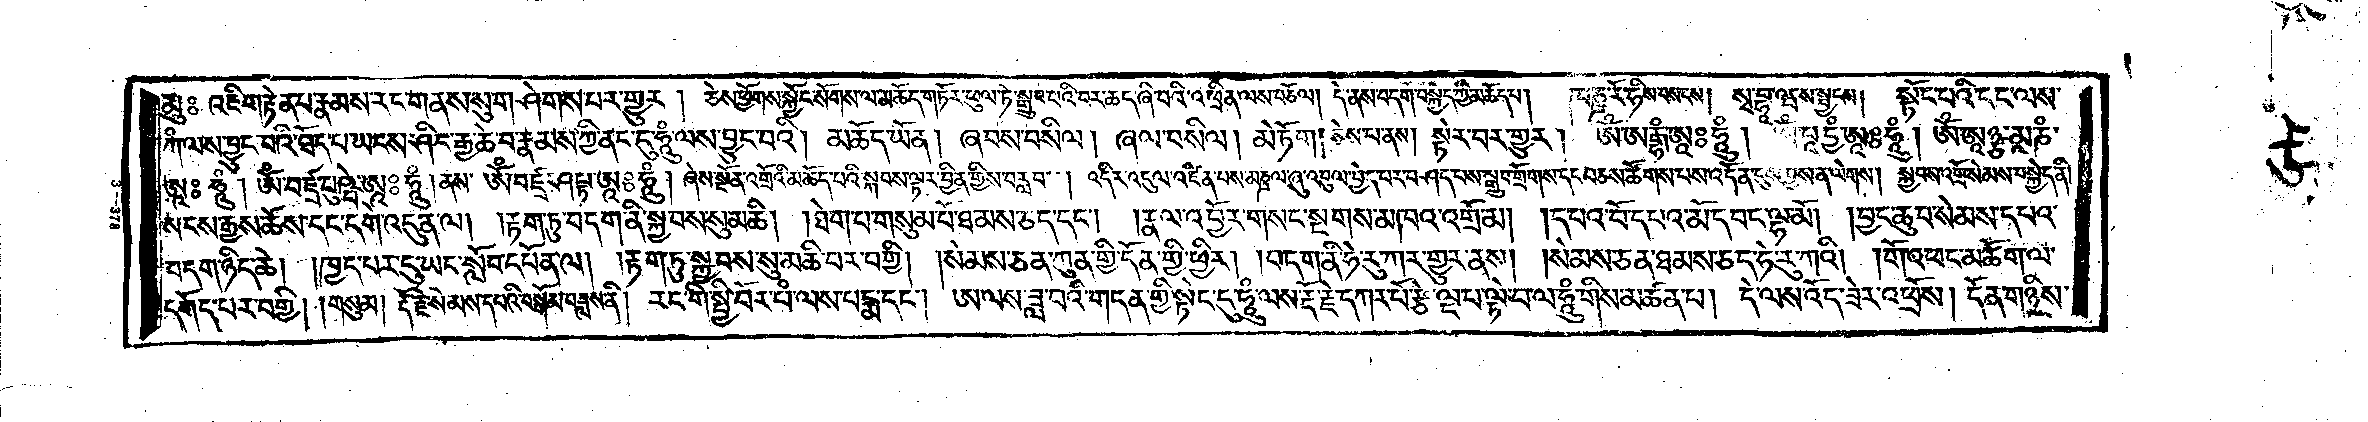མུཿ འཇིག་རྟེན་པ་རྣམས་རང་གནས་སུ་གཤེགས་པར་གྱུར། ཅེས་ཕྱོགས་སྐྱོང་སོགས་ལ་མཆོད་གཏོར་ཕུལ་ཏེ་སྒྲུབ་པའི་བར་ཆད་ཞི་བའི་འཕྲིན་ལས་བཅོལ། དེ་ནས་བདག་བསྐྱེད་ཀྱི་མཆོད་པ། ཁཎྜ་རོ་ཧིས་བསངས། སྭ་བྷཱ་ཝས་སྦྱངས། སྟོང་པའི་ངང་ལས་
ཀཾ་ལས་བྱུང་བའི་ཐོད་པ་ཡངས་ཤིང་རྒྱ་ཆེ་བ་རྣམས་ཀྱི་ནང་དུ་ཧཱུཾ་ལས་བྱུང་བའི། མཆོད་ཡོན། ཞབས་བསིལ། ཞལ་བསིལ། མེ་ཏོག། ཅེས་པ་ནས། སྟེར་པར་གྱུར། ཨོཾ་ཨརྒྷཾ་ཨཱཿ ཧཱུཾ། ཨོཾ་པཱདྱཾ་ཨཱཿ ཧཱུཾ། ཨོཾ་ཨཱཉྩ་མཱཎཾ་
ཨཱཿ ཧཱུཾ། ཨོཾ་བཛྲ་པུཥྤེ་ཨཱཿཧཱུཾ། ནས་ཨོཾ་བཛྲ་ཤཔྟ་ཨཱཿ ཧཱུཾ། ཞེས་སྔོན་འགྲོའི་མཆོད་པའི་སྐབས་ལྟར་བྱིན་གྱིས་བརླབ། འདིར་འདུལ་འཛིན་པས་མཎྜལ་ཞུ་འབུལ་བྱེད་པར་བཤད་པས་སྒྲུབ་གྲོགས་དང་བཅས་ཚོགས་པས་འདོན་དུས་བྱས་ན་ལེགས། སྐྱབས་འགྲོ་སེམས་བསྐྱེད་ནི།
སངས་རྒྱས་ཆོས་དང་དགེ་འདུན་ལ། །རྟག་ཏུ་བདག་ནི་སྐྱབས་སུ་མཆི། །ཐེག་པ་གསུམ་པོ་ཐམས་ཅད་དང་། །རྣལ་འབྱོར་གསང་སྔགས་མཁའ་འགྲོ་མ། །དཔའ་བོ་དཔའ་མོ་དབང་ལྷ་མོ། །བྱང་ཆུབ་སེམས་དཔའ་
བདག་ཉིད་ཆེ། །ཁྱད་པར་དུ་ཡང་སློབ་དཔོན་ལ། །རྟག་ཏུ་སྐྱབས་སུ་མཆི་བར་བགྱི། །སེམས་ཅན་ཀུན་གྱི་དོན་གྱི་ཕྱིར། །བདག་ནི་ཧེ་རུ་ཀར་གྱུར་ནས། །སེམས་ཅན་ཐམས་ཅད་ཧེ་རུ་ཀའི། །གོ་འཕང་མཆོག་ལ་
དགོད་པར་བགྱི། །གསུམ། རྡོ་རྗེ་སེམས་དཔའི་བསྒོམ་བཟླས་ནི། རང་གི་སྤྱི་བོར་པཾ་ལས་པདམ་དང་། ཨ་ལས་ཟླ་བའི་གདན་གྱི་སྟེང་དུ་ཧཱུཾ་ལས་རྡོ་རྗེ་དཀར་པོ་རྩེ་ལྔ་པ་ལྟེ་བ་ལ་ཧཱུཾ་གིས་མཚན་པ། དེ་ལས་འོད་ཟེར་འཕྲོས། དོན་གཉིས་